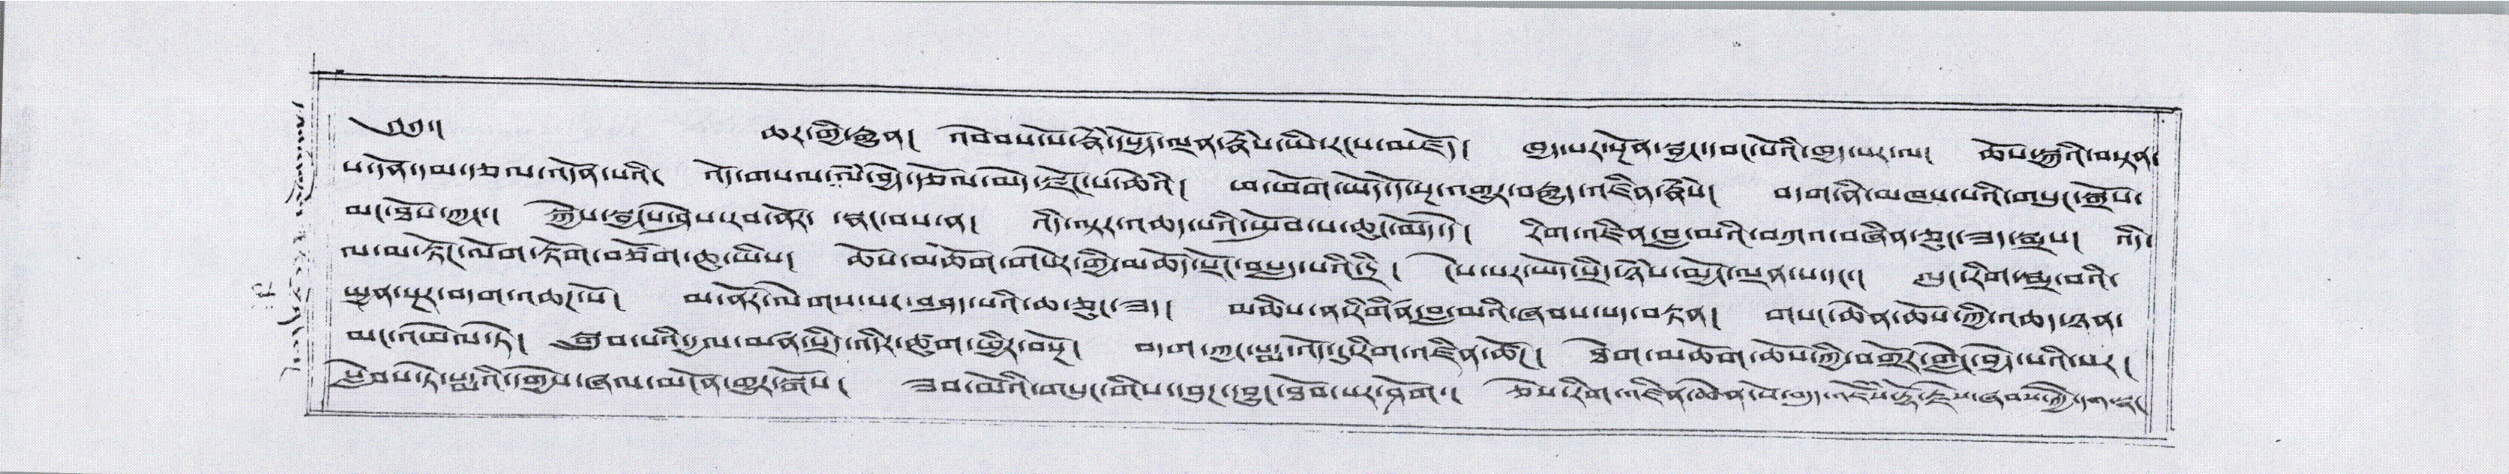ཆར་གྱི་རྒྱུན། འབེབས་པོ་རྣམ་དཔྱོད་ལྡན་རྣམས་ཡི་རངས་མཛོད། ཁྱད་པར་སྔོན་སྦྱང་དབང་པོའི་ཁྱད་པར་ལ། ཆོས་སྐུའི་བསྟན་
པ་དོན་དམ་རྩལ་འདོན་པའི། འོད་གསལ་ལམ་བྱེད་རྩོལ་མེད་རྫོགས་པ་ཆེའི། ཕ་ཕོག་ཡོད་དོ་སྔ་འགྱུར་བརྒྱུད་འཛིན་རྣམས། བདག་ནི་མཁས་པའི་གསུང་སྒྲོས་
མང་ཐོས་ཀྱང། སྐྱེས་སྦྱངས་ཤེས་རབ་ནོར་ལ་སྣང་བས་ན། འདི་ལྟར་འཆད་པའི་སྤོབ་པ་ཆུང་མོད་དོ། རིག་འཛིན་བླ་མའི་བཀའ་བཞིན་ཅུང་ཟད་སྨྲས། འདི་
ལ་མ་རྟོགས་ལོག་རྟོག་བཙོག་ཆུ་ཡིས། ཆོས་མཆོག་གསེར་གྱི་མཆོད་སྡོང་བསླད་པའི་དྲི། ངེས་པར་ཡོད་སྲིད་ཉམས་མྱོང་ལྡན་པ་དང། ལུང་རིག་སྨྲ་བའི་
སྤྱན་སྔར་བདག་འཆགས་པོ། མ་ནོར་ལེགས་པར་བཤད་པའི་ཆ་ཅུང་ཟད། མཆོས་ན་རིག་འཛིན་བླ་མའི་བས་པད་བརྟན། གསང་ཆེན་ཆོས་ཀྱི་འཆད་ཉན་
མང་འཕེལ་ཏེ། སྒྲུབ་པའི་རྒྱལ་མཚན་སྲིད་འདིར་ཚུག་ཕྱིར་བསྔོ། བདག་ཀྱང་པདྨ་འོད་དུ་རིག་འཛིན་ཚོགས། ཐེག་མཆོག་ཆོས་ཀྱི་བགྲོགས་གླེང་བྱེད་པའི་སར། 
སླེབས་ཏེ་པདྨའི་དགྱེས་ཞལ་མངོན་གྱུར་སྒོས། ཟབ་མོའི་གསུང་གིས་དབུགས་དབྱུང་ཐོབ་པར་ཤོག ཅེས་རིག་འཛིན་ཆེན་པོ་བདུད་འཇོམས་རྡོ་རྗེས་ཞབས་ཀྱི་དག་སྣང་